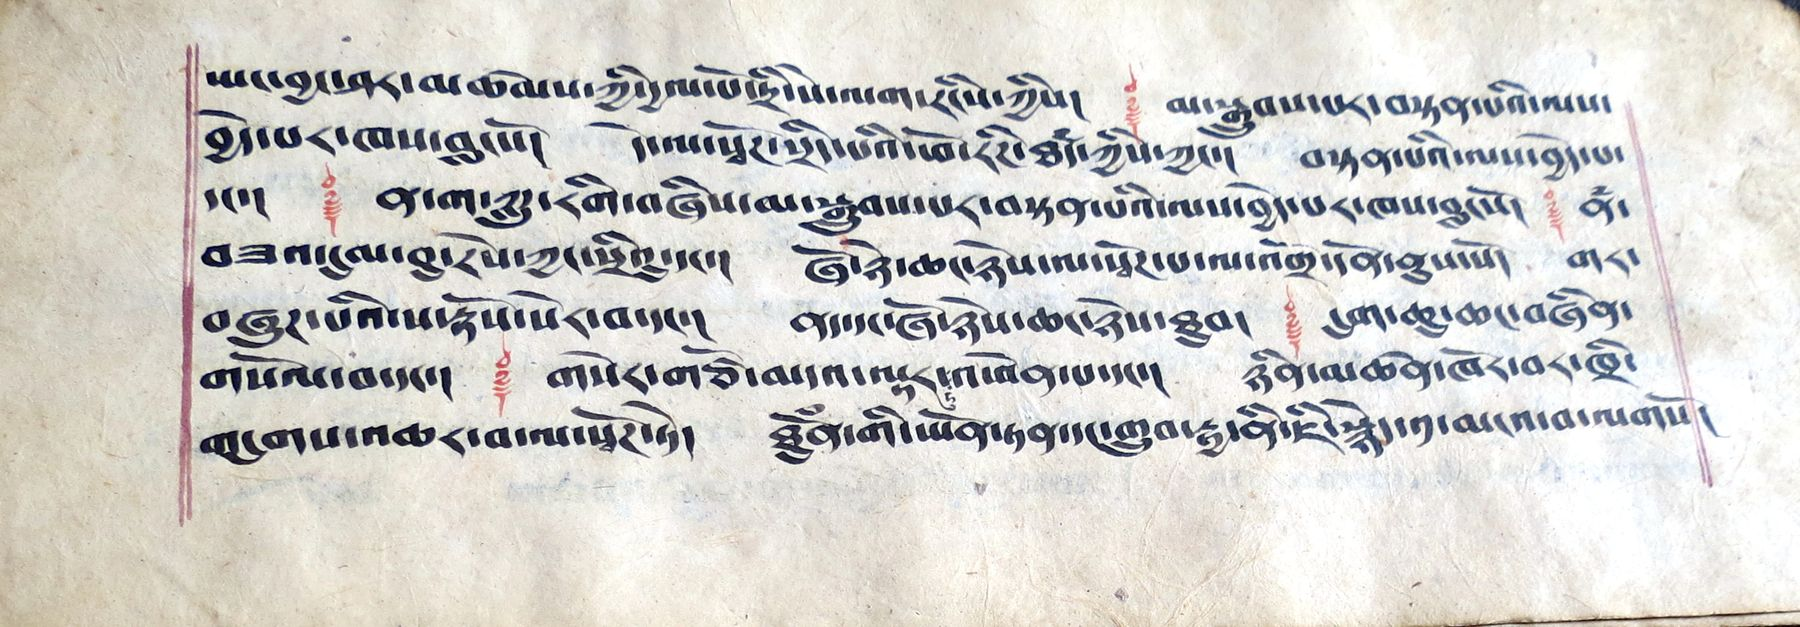ཡང་བྱང་ཤར་མཚམས་ཀྱི་རྒྱལ་པོ་ཏྲེ་སེ་ལག་རིང་གིས། མ་བསྒྲུབ་པར་བསྟན་པའི་ལས་
བྱེད་པར་ཁས་བླངས་སོ། ། དེ་ལས་སོགས་སྲིད་པའི་ཕོ་རིགས་ཐམས་ཅད་ཀྱིས་ཀྱང་། བསྟན་པའི་ལས་བྱེད་པ་
དང་། ན་ག་ཀླུའི་རིགས་བཞིས་མ་བསྒྲུབ་པར་བསྟན་པའི་ལས་བྱེད་པར་ཁས་བླངས་སོ། ། ན་
བཟའ་དུམ་བུ་རེས་ཀྱང་སྲིའུ་དང་ཞོ་ཉེས་ཆང་ཉེས་ལས་སོགས་པ་ལ་འགྲོ་དོན་ནུས་སོ། ། གར་
བཞུགས་པའི་ས་རྡོས་སེར་བ་དང་། ནད་དང་ཞོ་ཉེས་ཆང་ཉེས་ཐུབ། དུག་ཆུ་ཆང་བཞིན་
གསོལ་བ་དང་། གསེར་བཙོ་མདའ་ལྟར་དུ་འཕེན་པ་དང་། ཉིན་མཚན་འཁོར་བར་ཁྲི་
གདུགས་འཆར་བ་ལས་སོགས་ཏེ། ཐུན་མོང་གི་ཡོན་ཏན་གྲུབ་རྟགས་ནི་ཅི་སྙེད་ཅིག་མངའ་བ་ལགས་སོ། །